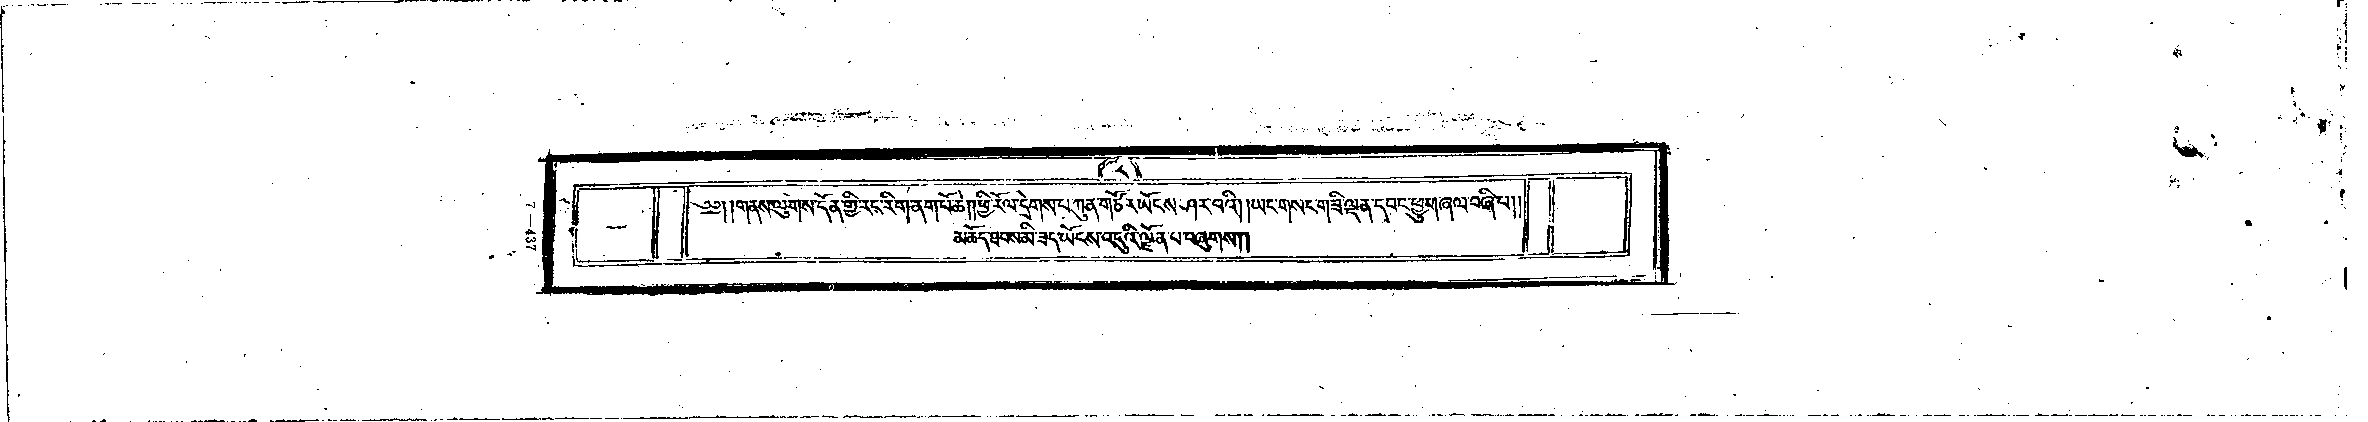༄༅།།གནས་ལུགས་དོན་གྱི་རང་རིག་ནག་པོ་ཆེ། །ཕྱི་རོལ་དྲེགས་པ་ཀུན་གཙོར་ཡོངས་ཤར་བའི། །ཡང་གསང་གཟི་ལྡན་དབང་ཕྱུག་ཞལ་བཞིབ།།
མཆོད་ཐབས་མི་ཟད་ཡོངས་འདུའི་ལྗོན་པ་བཞུགས།།